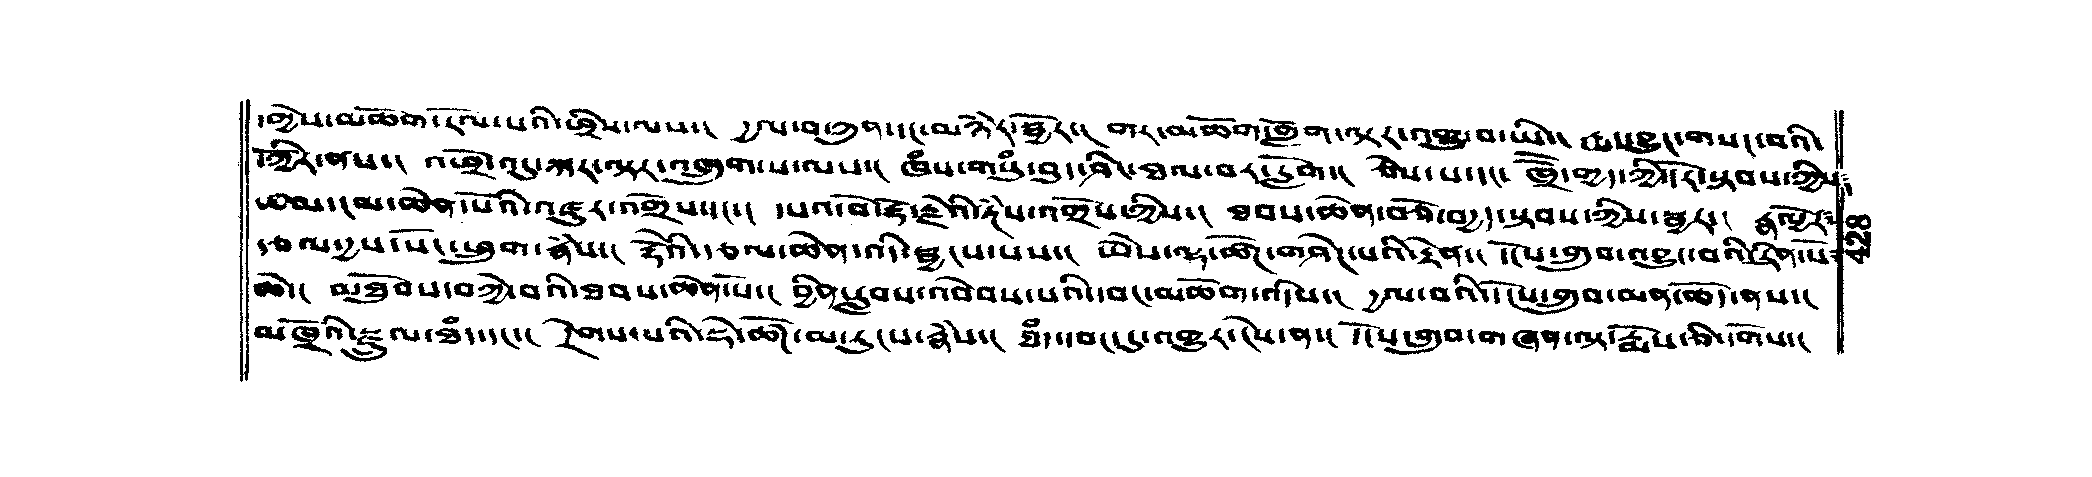དགྱེས་མཆོག་རོལ་བའི་ཕྲིན་ལས་ལས། །རྒྱལ་བ་ཀུན་དང་མཉམ་པར་སྦྱོར། །གར་མཆོག་གློག་ལྟར་འགྱུ་བ་ཡི། །རྨད་བྱུང་གསང་བའི་
དཀྱིལ་འཁོར་ནས། །འཕྲོ་འདུ་སྐར་ལྟར་འཁྲུག་པ་ལས། །ཁམས་གསུམ་བུད་ཤིང་ཐལ་བར་རློག་།ཅེས་པ་དང་། ཁྲོ་བོ་གྱད་ཀྱི་དོར་སྟབས་ཀྱིས། །
ཚམ་་ངམ་ཆེན་པོའི་འཇུར་འགྲོས་དང་། །དཔའ་བོ་རྡོ་རྗེ་རྔམས་འགྲོས་ཀྱིས། །ཐབས་ཆེན་བཅོ་བརྒྱད་སྟབས་ཀྱིས་སྦྱར། །རྣལ་འབྱོར་
རྩལ་རྒྱས་སོ་ཕྲུག་རྣམས། །རྡོ་རྗེ་རྩལ་ཆེན་འདི་སྦྱངས་པས། །ཡེ་ཤེས་ལྷ་ཚོགས་གཤེགས་པའི་རྟེན། །དངོས་གྲུབ་འབྱུང་བའི་རིན་པོ་
ཆེ། །མཐུ་སྟོབས་བཀྱེ་བའི་ཐབས་ཆེན་པོ། །བྱིན་ལརླབས་འབེབས་པའི་དབང་མཆོག་འདིས། །རྒྱལ་བའི་དངོས་གྲུབ་མན་ཆོད་ནས། །
མཁའ་འགྲོའི་རྫུ་འཕྲུལ་ཐམས་ཅད་དང་། །དྲེགས་པའི་སྡེ་ཚོགས་མ་རུངས་རྣམས། །ཐམས་ཅད་དབང་དུ་འགྱུར་ངེས་ན། །དངོས་གྲུབ་གཞན་ལྟ་སྨོས་ཅི་དགོས། །